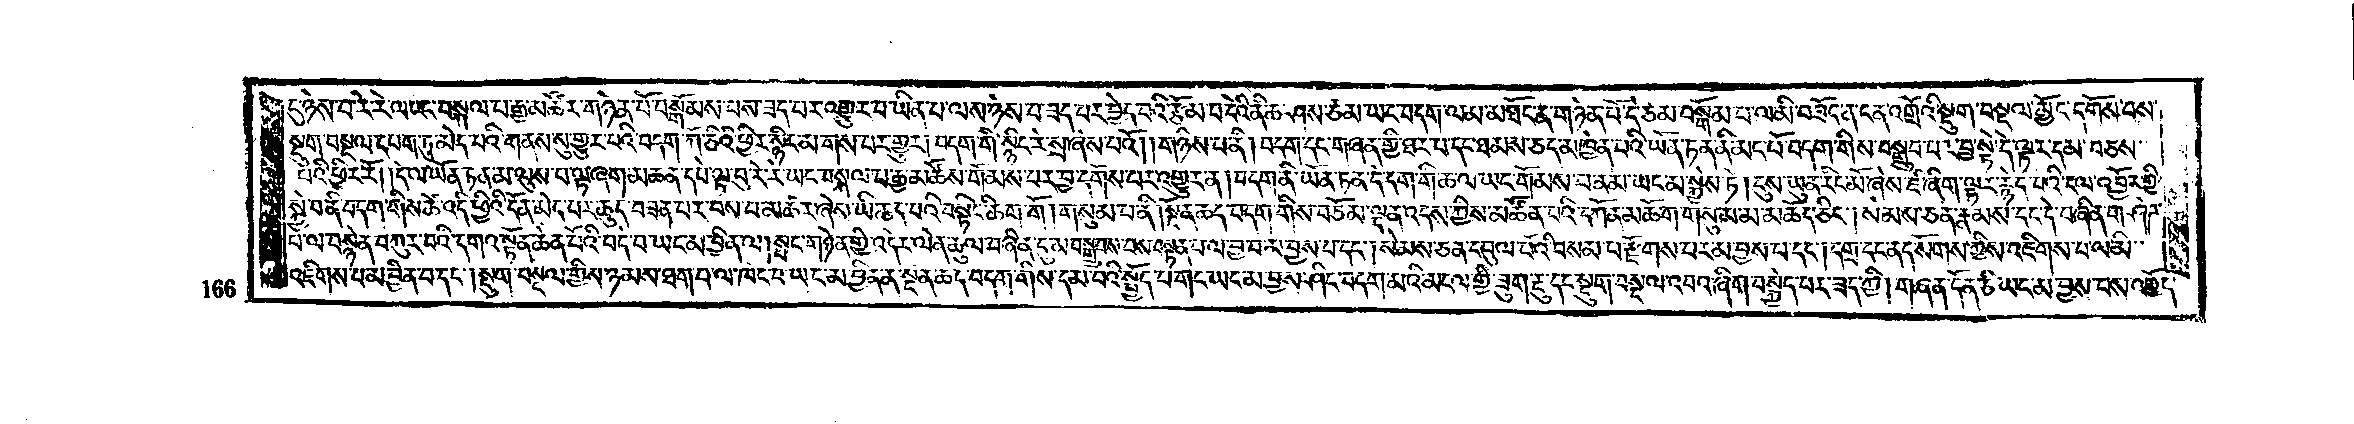དུ་ཉེས་པ་རེ་རེ་ལ་ཡང་བསྐལ་པ་རྒྱ་མཚོར་གཉེན་པོ་བསྒོམས་པས་ཟད་པར་འགྱུར་བ་ཡིན་པ་ལས་ཉེས་པ་ཟད་པར་བྱེད་པའི་རྩོམ་པ་དེའི་ནི་ཆ་ཤེས་ཙམ་ཡང་བདག་ལ་མ་མཐོང་ན་གཉེན་པོ་དེ་ཙམ་བསྒོམ་པ་ལ་མི་བཟོད་ན་ངན་འགྲོའི་སྡུག་བསྔལ་དགོས་པས་
སྡུག་བསྔལ་དཔག་ཏུ་མེད་པའི་གནས་སུ་གྱུར་པའི་བདག་གོ་ཅིའི་ཕྱིར་སྙིང་མ་གས་པར་གྱུར། བདག་གི་སྙིང་རེ་སྲ་ཞེས་པའོ། །གཉིས་པ་ནི། བདག་དང་གཞན་གྱི་ཐར་པ་དང་ཐམས་ཅད་མཁྱེན་པའི་ཡོན་ཏན་ནི་མང་པོ་བདག་གིས་བསྒྲུབ་པར་བྱ་སྟེ་དེ་ལྟར་དམ་བཅས་
པའི་ཕྱིར་རོ། །དེ་ལ་ཡོན་ཏན་མ་ལུས་པ་ལྟ་ཞག་མཚན་དཔེ་ལྟ་བུ་རེ་རེ་ཡང་བསྐལ་པ་རྒྱ་མཚོས་གོམས་པར་བྱ་དགོས་པར་འགྱུར་ན། བདག་ནི་ཡིན་ཏན་དེ་དག་གི་ཆ་ལ་ཡང་གོམས་པ་ནམ་ཡང་མ་སྐྱེས་ཏེ། དུས་ཡུན་རིང་མོ་ཞེས་ཇི་ཞིག་ལྟར་རྙེད་པའི་དལ་འབྱོར་གྱི་
སྐྱེ་བ་ནི་བདག་གིས་ཚེ་འདི་ཕྱིའི་དོན་མེད་པར་ཆུད་བཟད་པར་བས་བ་མཚར་ཞེས་ཡི་ཆད་པའི་བསྟིང་ཚིག་གོ །གསུམ་པ་ནི། སྔོན་ཆན་བདག་གིས་བཅོམ་ལྡན་འདས་ཀྱིས་མཚོན་པའི་དཀོན་མཆོག་གསུམ་མ་མཆོད་ཅིང་། སེམས་ཅན་རྣམས་དང་དེ་བཞིན་གཤེགས་
པ་ལ་བསྙེན་བཀུར་བའི་དགའ་སྟོན་ཆེན་པོའི་བདེ་བ་ཡང་མ་བྱིན་ལ། སྤང་གཉེན་གྱི་འདེར་ལེན་ཚུལ་བཞིན་དུ་མ་བསྒྲུབས་པས་བསྟན་པ་ལ་བྱ་བ་མ་བྱས་པ་དང་། སེམས་ཅན་དབུལ་པོའི་བསམ་པ་རྫོགས་པར་མ་བྱས་པ་དང་། དགྲ་དང་ནད་སོགས་ཀྱིས་འཇིགས་པ་ལ་མི་
འཇིགས་པ་མ་བྱིན་པ་དང་། སྡུག་བསྔལ་གྱིས་ཉམས་ཐག་པ་ལ་ཁང་པ་ཡང་མ་བྱིན་ན་སྔོན་ཆད་བདག་གིས་དམ་པའི་སྤྱོད་པ་གང་ཡང་མ་བྱས་ཤིང་བདག་མའི་མངལ་གྱི་ཟུག་རྔུ་དང་སྡུག་བསྔལ་འབའ་ཞིག་བསྐྱེད་པར་ཟད་ཀྱི། གཞན་དོན་ཅི་ཡང་མ་བྱས་པས་འགྱོད་